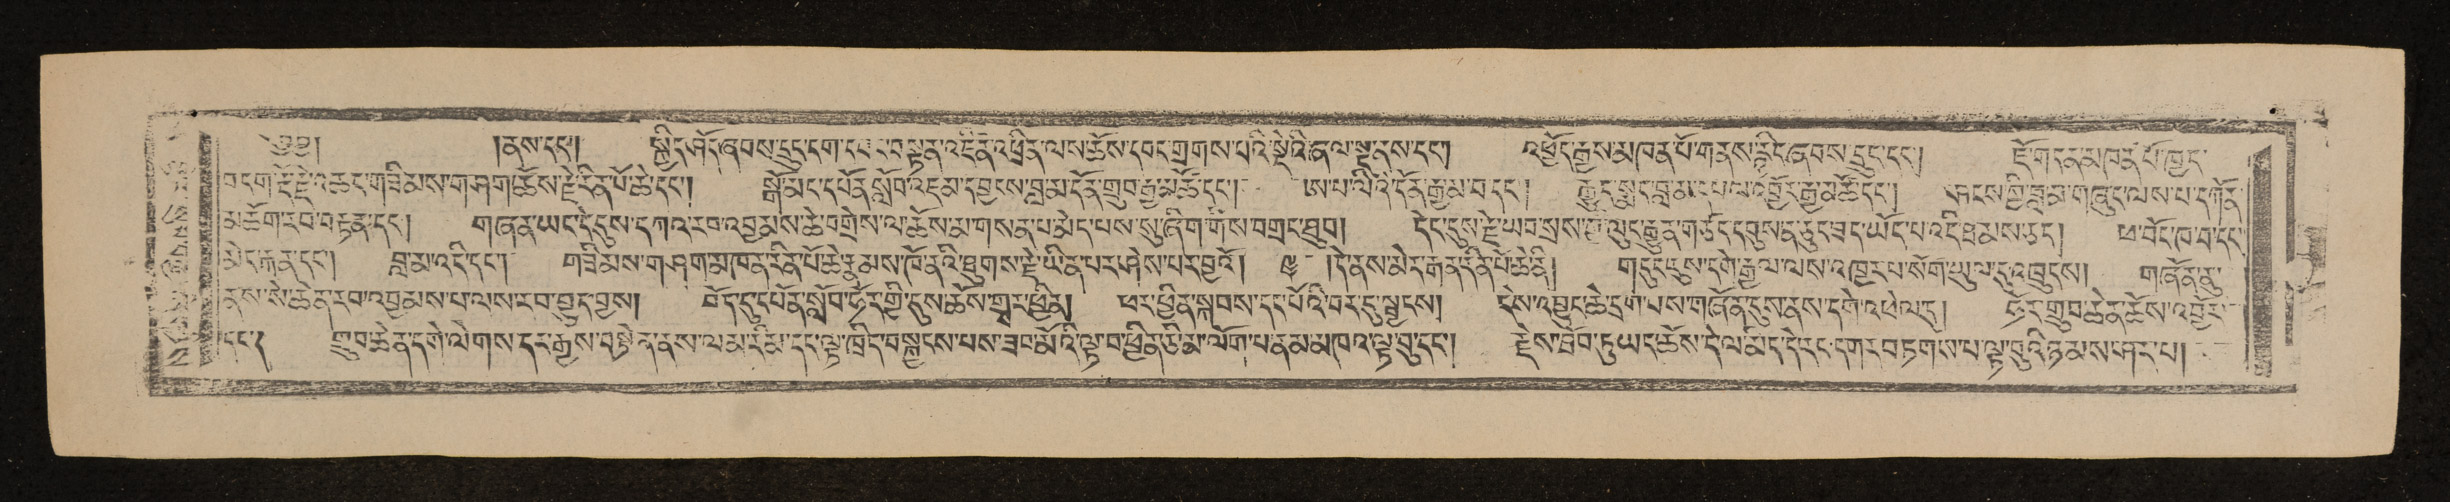༄༅། །ནས་དང་། སྐྱིད་ཤོད་ཞབས་དྲུང་ངག་དབང་བསྟན་འཛིན་འཕྲིན་ལས་ཆོས་དབང་གྲགས་པའི་སྡེའི་ཞལ་སྔ་ནས་དང་། འཕྱོང་རྒྱས་མཁན་པོ་གནས་རྙིང་ཞབས་དྲུང་དང་། ཇོ་གདན་མཁན་པོ་ཁྱབ་
བདག་རྡོ་རྗེ་འཆང་གཟིམས་གཤག་ཆོས་རྗེ་རིན་པོ་ཆེ་དང་། སྒོ་མང་དཔོན་སློབ་འཇམ་དབྱངས་བླ་མ་དོན་གྲུབ་རྒྱ་མཚོ་དང་། ཨ་པ་ལིའི་དོན་རྒྱས་པ་དང་། རྒྱུད་སྨད་བླ་མ་དཔལ་འབྱོར་རྒྱ་མཚོ་དང་། ཤངས་ཀྱི་བླ་མ་གཞུང་ལས་པ་དཀོན་
མཆོག་རབ་བརྟན་དང་། གཞན་ཡང་དེ་དུས་དཀའ་རབ་འབྱམས་ཆེ་བགྲེས་ལ་ཆོས་མ་གསན་པ་མེད་པས་སུ་ཞིག་གིས་བགྲང་ཐུབ། དེང་དུས་རྗེ་ཡབ་སྲས་ཀྱི་ལུང་རྒྱུན་གཙང་དབུས་ན་ཅུང་ཟད་ཡོད་པ་འདི་ཐམས་ཅད། ཕ་བོད་ཁ་བ་དང་
མེར་རྒན་དང་། བླ་མ་འདི་དང་། གཟིམས་གཤག་མཁན་རིན་པོ་ཆེ་རྣམས་ཁོ་ནའི་ཐུགས་རྗེ་ཡིན་པར་ཤེས་པར་བྱའོ། ༈ །དེ་ནས་མེར་རྒན་རིན་པོ་ཆེ་ནི། གདུང་རུས་དགེ་རྒྱལ་ལས་འཁྱར་པ་སོག་ཡུལ་དུ་འཁྲུངས། གཞོན་ནུ་
ནས་སེ་ཆེན་རབ་འབྱམས་པ་ལས་རབ་བྱུང་བྱས། བོད་དུ་དཔོན་སློབ་ཧོར་གྱི་དུས་ཆོས་གྲྭར་ཕྱིན། ཕར་ཕྱིན་སྐབས་དང་པོའི་བར་དུ་སྦྱངས། ངེས་འབྱུང་ཆེ་དྲག་པས་གཞོན་དུས་ནས་དགེ་འཕེལ་དུ། ཧོར་གྲུབ་ཆེན་ཆོས་འབྱོར་
དང༑ གྲུབ་ཆེན་དགེ་ལེགས་དར་རྒྱས་བསྟེན་ནས་ལམ་རིམ་དང་ལྟ་ཁྲིད་བསྐྱངས་པས་ཟབ་མོའི་ལྟ་བ་ཕྱིན་ཅི་མ་ལོག་པ་ནམ་མཁའ་ལྟ་བུ་དང་། རྗེས་ཐོབ་ཏུ་ཡང་ཆོས་དེ་ལ་མིང་དེ་རང་དགར་བཏགས་པ་ལྟ་བུའི་ཉམས་ཤར་པ།